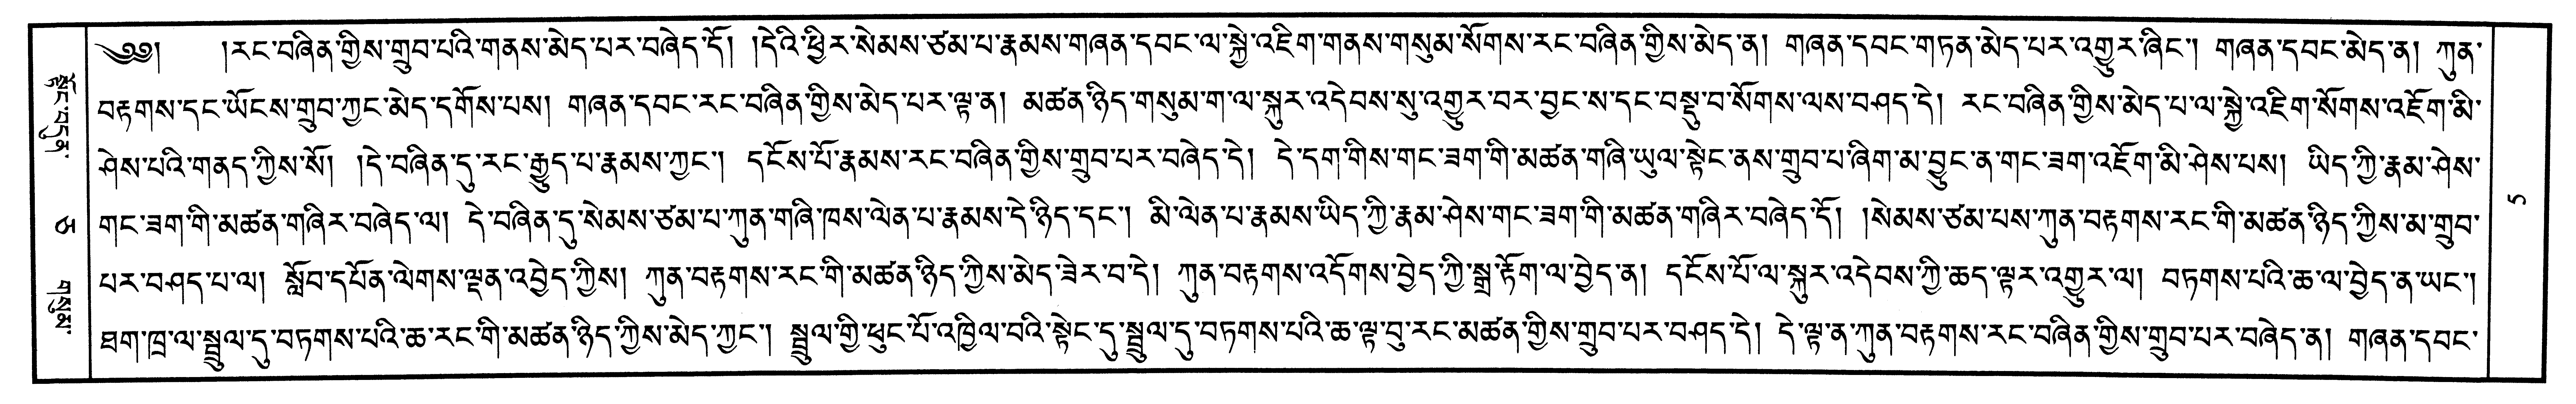༄༅། །རང་བཞིན་གྱིས་གྲུབ་པའི་གནས་མེད་པར་བཞེད་དོ། །དེའི་ཕྱིར་སེམས་ཙམ་པ་རྣམས་གཞན་དབང་ལ་སྐྱེ་འཇིག་གནས་གསུམ་སོགས་རང་བཞིན་གྱིས་མེད་ན། གཞན་དབང་གཏན་མེད་པར་འགྱུར་ཞིང་། གཞན་དབང་མེད་ན། ཀུན་
བརྟགས་དང་ཡོངས་གྲུབ་ཀྱང་མེད་དགོས་པས། གཞན་དབང་རང་བཞིན་གྱིས་མེད་པར་ལྟ་ན། མཚན་ཉིད་གསུམ་ག་ལ་སྐུར་འདེབས་སུ་འགྱུར་བར་བྱང་ས་དང་བསྡུ་བ་སོགས་ལས་བཤད་དེ། རང་བཞིན་གྱིས་མེད་པ་ལ་སྐྱེ་འཇིག་སོགས་འཇོག་མི་
ཤེས་པའི་གནད་ཀྱིས་སོ། །དེ་བཞིན་དུ་རང་རྒྱུད་པ་རྣམས་ཀྱང་། དངོས་པོ་རྣམས་རང་བཞིན་གྱིས་གྲུབ་པར་བཞེད་དེ། དེ་དག་གིས་གང་ཟག་གི་མཚན་གཞི་ཡུལ་སྟེང་ནས་གྲུབ་པ་ཞིག་མ་བྱུང་ན་གང་ཟག་འཇོག་མི་ཤེས་པས། ཡིད་ཀྱི་རྣམ་ཤེས་
གང་ཟག་གི་མཚན་གཞིར་བཞེད་ལ། དེ་བཞིན་དུ་སེམས་ཙམ་པ་ཀུན་གཞི་ཁས་ལེན་པ་རྣམས་དེ་ཉིད་དང་། མི་ལེན་པ་རྣམས་ཡིད་ཀྱི་རྣམ་ཤེས་གང་ཟག་གི་མཚན་གཞིར་བཞེད་དོ། །སེམས་ཙམ་པས་ཀུན་བརྟགས་རང་གི་མཚན་ཉིད་ཀྱིས་མ་གྲུབ་
པར་བཤད་པ་ལ། སློབ་དཔོན་ལེགས་ལྡན་འབྱེད་ཀྱིས། ཀུན་བརྟགས་རང་གི་མཚན་ཉིད་ཀྱིས་མེད་ཟེར་བ་དེ། ཀུན་བརྟགས་འདོགས་བྱེད་ཀྱི་སྒྲ་རྟོག་ལ་བྱེད་ན། དངོས་པོ་ལ་སྐུར་འདེབས་ཀྱི་ཆད་ལྟར་འགྱུར་ལ། བཏགས་པའི་ཆ་ལ་བྱེད་ན་ཡང་།
ཐག་ཁྲ་ལ་སྦྲུལ་དུ་བཏགས་པའི་ཆ་རང་གི་མཚན་ཉིད་ཀྱིས་མེད་ཀྱང་། སྦྲུལ་གྱི་ཕུང་པོ་འཁྱིལ་བའི་སྟེང་དུ་སྦྲུལ་དུ་བཏགས་པའི་ཆ་ལྟ་བུ་རང་མཚན་གྱིས་གྲུབ་པར་བཤད་དེ། དེ་ལྟ་ན་ཀུན་བརྟགས་རང་བཞིན་གྱིས་གྲུབ་པར་བཞེད་ན། གཞན་དབང་